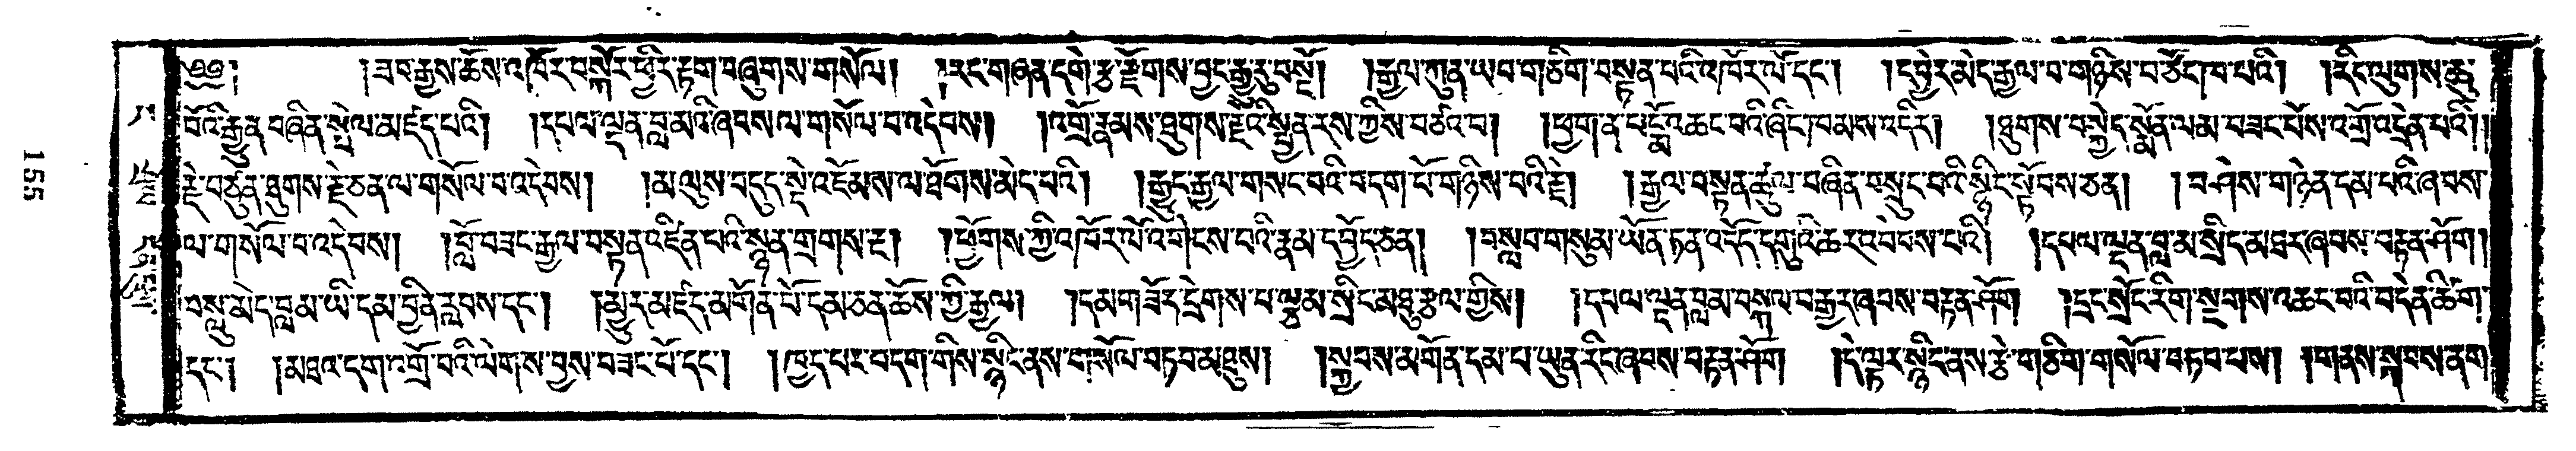༄༅། །ཟབ་རྒྱས་ཆོས་འཁོར་བསྐོར་ཕྱིར་རྟག་བཞུགས་གསོལ། །རང་གཞན་དགེ་རྩ་རྫོགས་བྱང་རྒྱུ་རུ་བསྔོ། །རྒྱལ་ཀུན་ཡབ་གཅིག་བསྟན་པའི་འཁོར་ལོ་དང་། །དབྱེར་མེད་རྒྱལ་བ་གཉིས་པ་ཙོང་ཁ་པའི། །རིང་ལུགས་ཆུ་
བོའི་རྒྱུན་བཞིན་སྤེལ་མཛད་པའི། །དཔལ་ལྡན་བླ་མའི་ཞབས་ལ་གསོལ་བ་འདེབས། །འགྲོ་རྣམས་ཐུགས་རྗེའི་སྤྱན་རས་ཀྱིས་བཙའ་བ། །ཕྱག་ན་པདམོ་འཆང་བའི་ཞིང་ཁམས་འདིར། །ཐུགས་བསྐྱེད་སྨོན་ལམ་བཟང་པོས་འགྲོ་འདྲེན་པའི། །
རྗེ་བཙུན་ཐུགས་རྗེ་ཅན་ལ་གསོལ་བ་འདེབས། །མ་ལུས་བདུད་སྡེ་འཇོམས་ལ་ཐོགས་མེད་པའི། །རྒྱུད་རྒྱལ་གསང་བའི་བདག་པོ་གཉིས་བའི་རྗེ། །རྒྱལ་བསྟན་ཚུལ་བཞིན་བསྲུང་བའི་སྙིང་སྟོབས་ཅན། །བཤེས་གཉེན་དམ་པའི་ཞབས་
ལ་གསོལ་བ་འདེབས། །བློ་བཟང་རྒྱལ་བསྟན་འཛིན་པའི་སྙན་གྲགས་རྔ། །ཕྱོགས་ཀྱི་འཁོར་ལོ་འགེངས་པའི་རྣམ་དཔྱོད་ཅན། །བསླབ་གསུམ་ཡོན་ཏན་འདོད་དགུའི་ཆར་འབེབས་པའི། །དཔལ་ལྡན་བླ་མའི་སྲིད་མཐར་ཞབས་བརྟན་ཤོག །
བསླུ་མེད་བླ་མ་ཡི་དམ་བྱིན་རླབས་དང་། །མྱུར་མཛད་མགོན་པོ་དམ་ཅན་ཆོས་ཀྱི་རྒྱལ། །དམག་ཟོད་དྲེགས་པ་ལྕམ་སྲིང་མཐུ་རྩལ་གྱིས། །དཔལ་ལྡན་བླ་མ་བསྐལ་བརྒྱར་ཞབས་བརྟན་ཤོག །དྲང་སྲོང་རིག་སྔགས་འཆང་བའི་བདེན་ཚིག་
དང༑ །མཐའ་དག་འགྲོ་བའི་ལེགས་བྱས་བཟང་པོ་དང་། །ཁྱད་པར་བདག་གིས་སྙིང་ནས་གསོལ་བཏབ་མཐུས། །སྐྱབས་མགོན་དམ་པ་ཡུན་རིང་ཞབས་བརྟན་ཤོག །དེ་ལྟར་སྙིང་ནས་རྩེ་གཅིག་གསོལ་བཏབ་པས། །གནས་སྐབས་ནག་